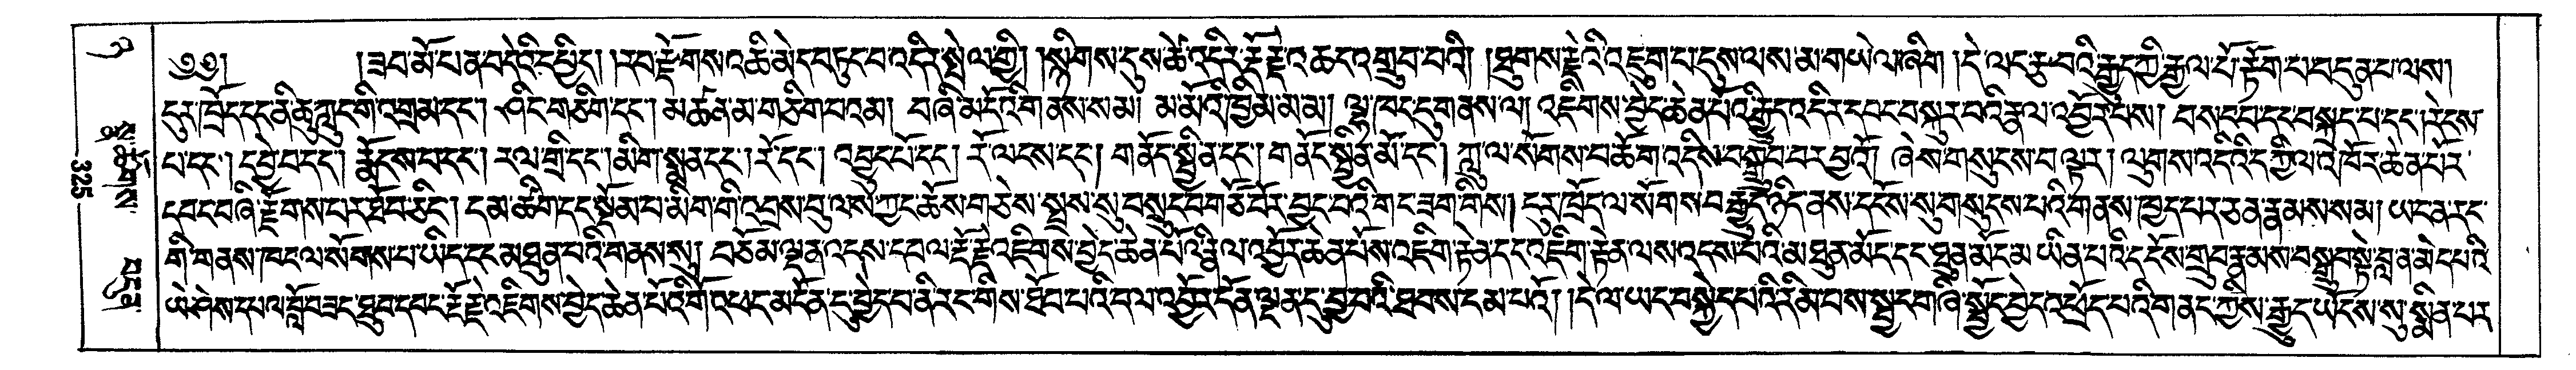༄༅། །ཟབ་མོ་ཕན་བདེའི་དཔྱིད། །རབ་རྫོགས་འཆི་མེད་བཏུང་བ་འདིར་སྤེལ་གྱི། །སྙིགས་དུས་ཚེ་འདིར་རྡོ་རྗེ་འཆང་འགྲུབ་པའི།། ཐུགས་རྗེའི་འཇུག་པ་དུས་ལས་མ་གཡེལ་ཞིག །དེ་ཡང་རྩ་བའི་རྒྱུད་ཀྱི་རྒྱལ་པོ་རྟོག་པ་བདུན་པ་ལས།
དུར་ཁྲོད་དང་ནི་ཆུ་ཀླུང་གི་འགྲམ་དང་། ཤིང་གཅིག་དང་། མཚན་མ་གཅིག་པའམ། བཞི་མདོའི་གནས་སམ། མ་མོའི་ཁྱིམ་མམ། ལྷ་ཁང་དུ་གནས་ལ། འཇིགས་བྱེད་ཆེན་པོའི་རྒྱུད་འདིར་དབང་བསྐུར་བའི་རྣལ་འབྱོར་པས། དབྶད་པ་དང་བསྐྲད་པ་དང་། རེངས་
པ་དང་། དབྱེ་བ་དང་། རྨོངས་པ་དང་། རལ་གྲི་དང་། མིག་སྨན་དང་། རོ་དང་། འབྱུང་པོ་དང་། རོ་ལངས་དང་། གནོད་སྦྱིན་དང་། གནོད་སྦྱིན་མོ་དང་། ཀླུ་ལ་སོགས་པ་ཆོ་ག་འདིས་བསྒྲུབ་བར་བྱའོ། ཞེས་གསུངས་པ་ལྟར། ལུགས་འདིའི་དཀྱིལ་འཁོར་ཆེན་པོར་
དབང་བཞི་རྫོགས་པར་ཐོབ་ཅིང་། དམ་ཚིག་དང་སྔོམ་པ་མིག་གི་འབྲས་བུ་ལས་ཀྱང་ཆེས་ཅེས་སྤྲས་སུ་བསྲུང་བ་གཙོ་བོར་བྱེད་པའི་གང་ཟག་གིས། དུར་ཁྲོད་ལ་སོགས་པ་རྒྱུད་ཉིད་ནས་དངོས་སུ་གསུངས་བའི་གནས་ཁྱད་པར་ཅན་རྣམས་སམ། ཡང་ན་རང་
གི་གནས་ཁང་ལ་སོགས་པ་ཡིད་དང་མཐུན་པའི་གནས་སུ། བཅོམ་ལྡན་འདས་དཔལ་རྡོ་རྗེ་འཇིགས་བྱེད་ཆེན་པོའི་རྣལ་འབྱོར་ཆེན་པོས་འཇིག་རྟེན་དང་འཇིག་རྟེན་ལས་འདས་པའི་མཐུན་མོང་དང་ཐུན་མོང་མ་ཡིན་པའི་དངོས་གྲུབ་རྣམས་བསྒྲུབ་སྟེ་བླ་ན་མེད་བའི་
ཡེ་ཤེས་དཔལ་བློ་བཟང་ཐུབ་དབང་རྡོ་རྗེ་འཇིགས་བྱེད་ཆེན་པོའི་གོ་འཕང་མངོན་དུ་བྱེད་པ་ནི་རང་གིས་ཐོབ་པའི་དལ་འབྱོར་དོན་ལྡན་དུ་བྱ་བའི་ཐབས་དམ་པའོ། །དེ་ལ་ཡང་བསྐྱེད་པའི་རིམ་པས་སྦྱང་གཞི་བྱེད་འཕྲོད་པའི་གནད་ཀྱིས་རྒྱུད་ཡོངས་སུ་སྨིན་པར་